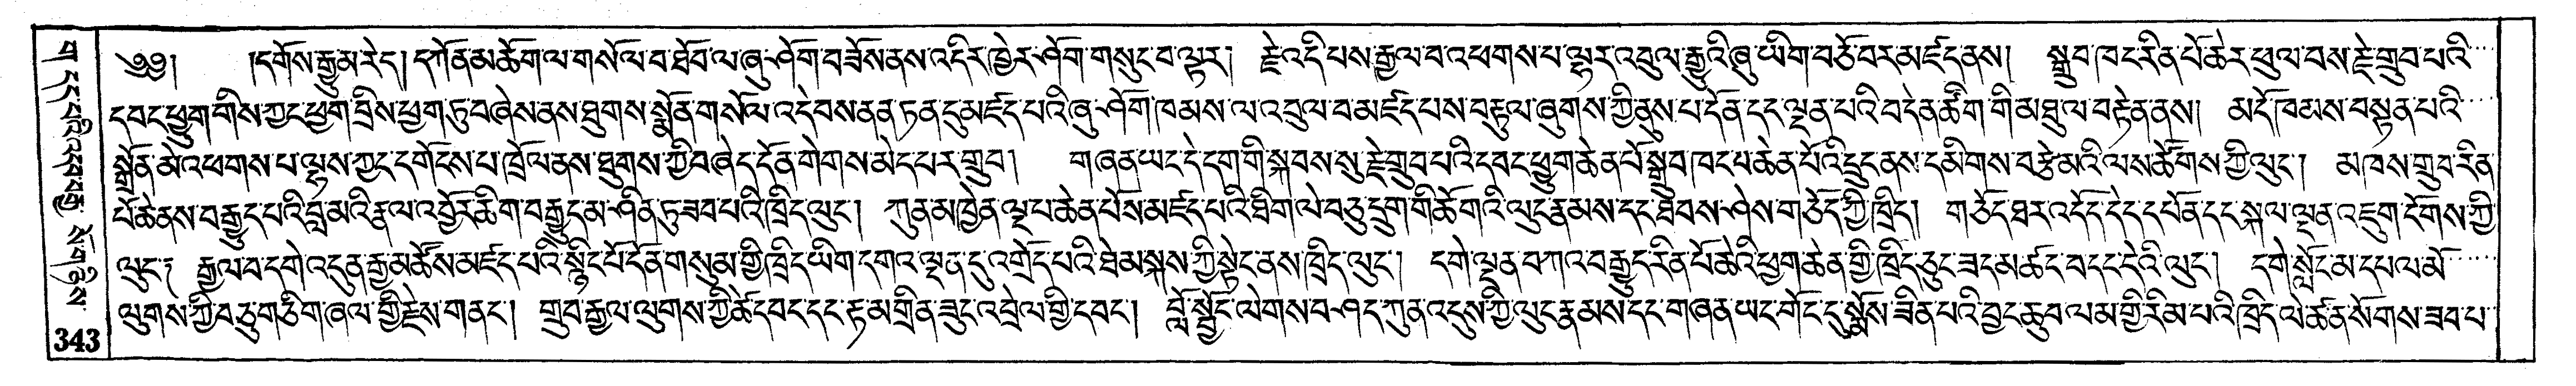༄༅། །དགོས་རྒྱུ་མ་རེད། དཀོན་མཆོག་ལ་གསོལ་བ་ཐོབ་ལ་ཞུ་ཤོག་བཟོས་ནས་འདིར་ཁྱེར་ཤོག་གསུང་པ་ལྟར། རྗེ་འདི་པས་རྒྱལ་བ་འཕགས་པ་ལྷར་འབུལ་རྒྱུའི་ཞུ་ཡིག་བཅོ་བར་མཛད་ནས། སྒྲུབ་ཁང་རིན་པོ་ཆེར་ཕུལ་བས་རྗེ་གྲུབ་བའི་
དབང་ཕྱུག་གིས་ཀྱང་ཕྱག་བྲིས་ཕྱག་ཏུ་བཞེས་ནས་ཐུགས་སྨོན་གསོལ་འདེབས་ནན་ཏན་དུ་མཛད་པའི་ཞུ་ཤོག་ཁམས་ལ་འབུལ་བ་མཛད་པས་བརྟུལ་ཞུགས་ཀྱི་ནུས་པ་དོན་དང་ལྡན་པའི་བདེན་ཚིག་གི་མཐུ་ལ་བརྟེན་ནས། མདོ་ཁམས་བསྟན་པའི་
སྒྲོན་མེ་འཕགས་པ་ལྷས་ཀྱང་དགོངས་པ་ཁྲོལ་ནས་ཐུགས་ཀྱི་བཞེད་དོན་གེགས་མེད་པར་གྲུབ། གཞན་ཡང་དེ་དག་གི་སྐབས་སུ་རྗེ་གྲུབ་བའི་དབང་ཕྱུག་ཆེན་པོ་སྒྲུབ་ཁང་པ་ཆེན་པོའི་དྲུང་ནས་དམིགས་བརྩེ་མའི་ལས་ཚོགས་ཀྱི་ལུང་། མཁས་གྲུབ་རིན་
པོ་ཆེ་ནས་བརྒྱུད་པའི་བླ་མའི་རྣལ་འབྱོར་ཆིག་བརྒྱུད་མ་ཤིན་ཏུ་ཟབ་པའི་ཁྲིད་ལུང་། ཀུན་མཁྱེན་ལྔ་པ་ཆེན་བོས་མཛད་པའི་ཐིག་ལེ་བཅུ་དྲུག་གི་ཆོ་གའི་ལུང་རྣམས་དང་ཐབས་ཤེས་གཅོད་ཀྱི་ཁྲིད། གཅོད་ཐར་འདོད་དེད་དཔོན་དང་སྐལ་ལྡན་འཇུག་ངོགས་ཀྱི་
ལུང་། རྒྱལ་བ་དགེ་འདུན་རྒྱ་མཚོས་མཛད་པའི་སྙིང་པོ་དོན་གསུམ་གྱི་ཁྲིད་ཡིག་དགའ་ལྡན་དུ་བགྲོད་པའི་ཐེམ་སྐས་ཀྱི་སྟེང་ནས་ཁྲིད་ལུང་། དགེ་ལྡན་བཀའ་བརྒྱུད་རིན་པོ་ཆེའི་ཕྱག་ཆེན་གྱི་ཁྲིད་ཅུང་ཟད་མ་ཚང་པ་དང་དེའི་ལུང་། དགེ་སློང་མ་དཔལ་མོ་
ལུགས་ཀྱི་བཅུ་གཅིག་ཞལ་གྱི་རྗེས་གནང་། གྲུབ་རྒྱལ་ལུགས་ཀྱི་ཚེ་དབང་དང་རྟ་མགྲིན་ཟུང་འབྲེལ་གྱི་དབང་། བློ་སྦྱོང་ལེགས་བཤད་ཀུན་འདུས་ཀྱི་ལུང་རྣམས་དང་གཞན་ཡང་གོང་དུ་སྨོས་ཟིན་པའི་བྱང་ཆུབ་ལམ་གྱི་རིམ་པའི་ཁྲིད་ལེ་ཚན་སོགས་ཟབ་པ་